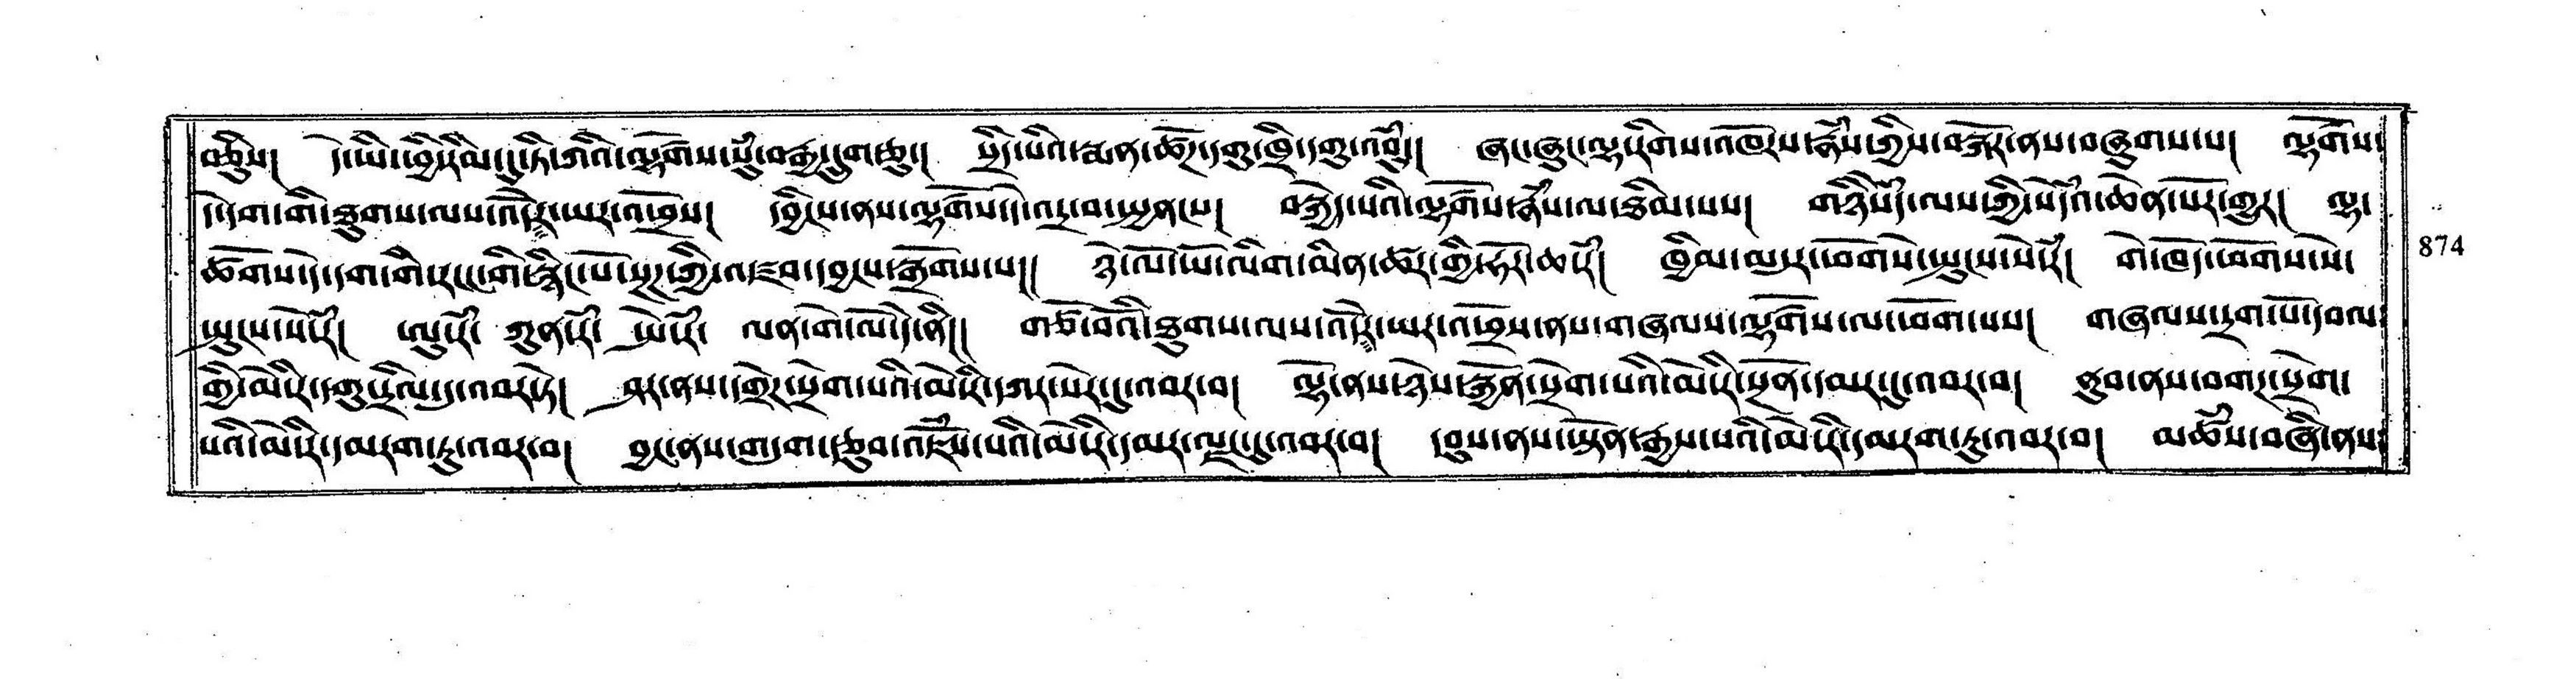བཅུ་གཉིས། དེ་ཡི་ཕྱི་རིམ་དུ་ཏི་ཀའི་ལྷ་ཚོགས་སུམ་བརྒྱ་དྲུག་ཅུ། སྲིད་པའི་སྨན་ཚོགས་དགུ་ཁྲི་དགུ་འབུམ། ཞང་ཞུང་ལྷ་རིགས་འཁོར་བཅས་རྣམས་ཀྱིས་བསྐོར་ནས་བཞུགས་པ། ལྷ་ཚོགས་
དེ་དག་གི་ཐུགས་ལས་འོད་ཟེར་ཡར་འཕྲོས། དབྱིངས་ནས་ལྷ་ཚོགས་དེ་འདྲ་བ་སྤྱན་དྲངས། བསྐྱེད་པའི་ལྷ་ཚོགས་རྣམས་ལ་ཐིམ་པས། གཉིས་མེད་ལས་ཀྱི་སེམས་དཔའ་ཆེན་པོར་གྱུར། ལྷ་
ཚོགས་དེ་དག་གི་རང་རང་གི་སྙིང་པོ་སྔགས་ཀྱི་འཛབ་དབྱངས་སྒྲོགས་པ།། ཉེ་ལོ་ཡོ་ལིག་མིན་ཚར་གྱི་ཧོར་ཆ་རཾ། ཁྱིམ་མདུར་ཕོགསེ་སྤུངས་སེ་རཾ། གེ་ཁོད་ཕོགས་སེ་
སྤུངས་སོ་རཾ། ཨུ་རཾ། ཀུན་རཾ། སྤེ་རཾ། ལན་གེ་ལོ་དེ་ནི།། གཙོ་བོའི་ཐུགས་ལས་འོད་ཟེར་ཡར་འཕྲོས་ནས་གཞལ་ཡས་ལྷ་ཚོགས་ལ་ཕོག་པས། གཞལ་ཡས་དྲག་པོ་དབལ་
གྱི་མེ་རི་དགུ་དྲིལ་དུ་འབར་ཏེ། ཤར་ནས་དགྲ་བགེགས་སྲེག་པའི་མེ་རི་དཀར་སེར་དུ་འབར་བ། ལྷོ་ནས་ཉེས་སྐྱོན་སྲེག་པའི་མེ་རི་སྔོན་དམར་དུ་འབར་བ། ནུབ་ནས་བག་ཆགས་སྲེག་
པའི་མེ་རི་དམར་ནག་ཏུ་འབར་བ། བྱང་ནས་གདུག་རྩུབ་འཇོམས་པའི་མེ་རི་དམར་ལྗང་དུ་འབར་བ། དབུས་ནས་ཡོན་ཏན་རྒྱས་པའི་མེ་རི་དམར་ནག་ཏུ་འབར་བ། མཚམས་བཞི་ནས་